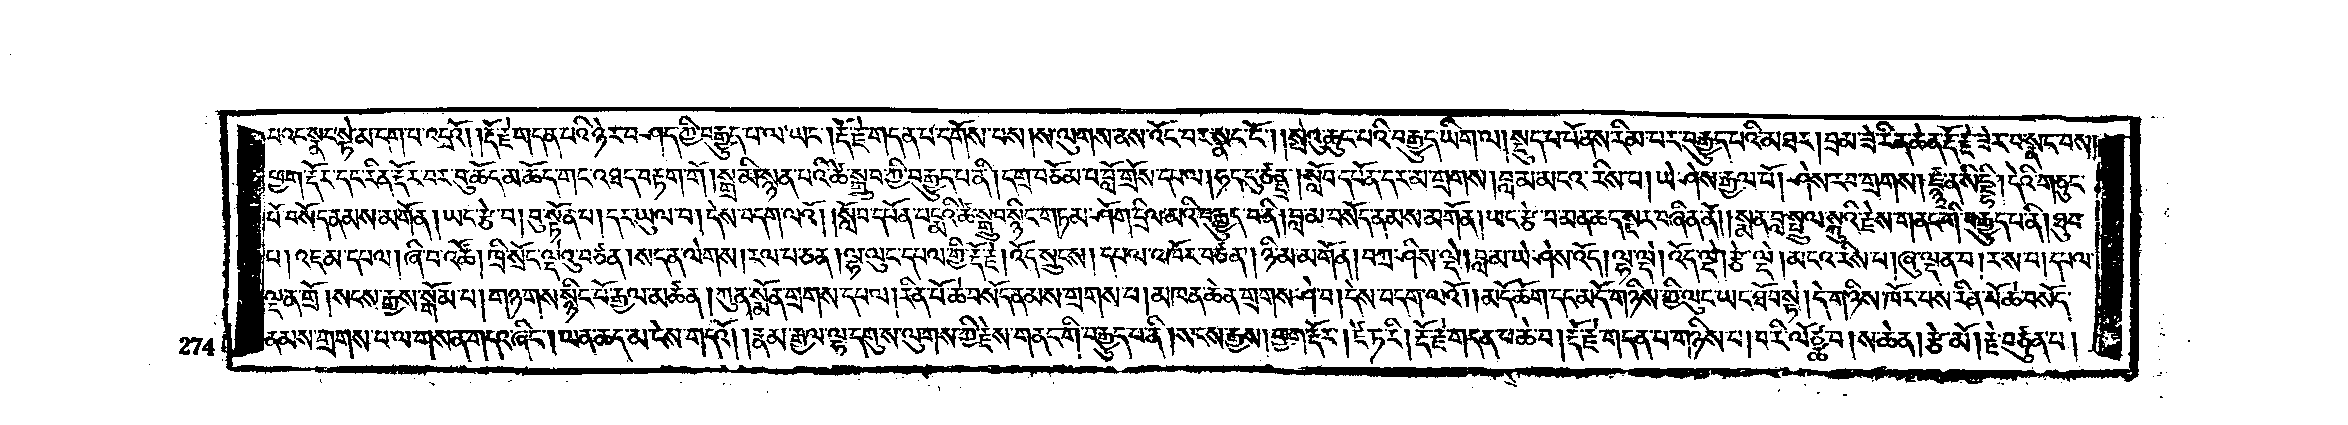པའང་སྣང་སྟེ་མ་དག་པ་འདྲའོ། །རྡོ་རྗེ་གདན་པའི་ཉེར་བཤད་ཀྱི་བརྒྱུད་པ་ལ་ཡང་། རྡོ་རྗེ་གདན་པ་དགོས་པས། ས་ལུགས་ནས་འོང་བར་སྣང་ངོ། །སྤེའུ་ཆུང་པའི་བརྒྱུད་ཡིག་ལ། སྡུད་པ་པོ་ནས་རིམ་པར་བརྒྱུད་པའི་མཐར། བྲམ་ཟེ་རིན་ཆེན་རྡོ་རྗེ་ཟེར་པ་སྣང་བས།
ཕྱག་རྡོར་དང་རིན་རྡོར་བར་བུ་ཆོད་མ་ཆོད་གང་འཐད་བརྟག་གོ། སྒྲ་མི་སྙན་པའི་ཚེ་སྒྲུབ་ཀྱི་བརྒྱུད་པ་ནི། དགྲ་བཅོམ་པ་བློ་གྲོས་དཔལ། ཧད་དུ་ཙནྡྲ། སློབ་དཔོན་དར་མ་གྲགས། བླ་མ་མངའ་རིས་པ། ཡེ་ཤེས་རྒྱལ་པོ། ཤེས་རབ་གྲགས། ཛྙཱ་ན་སིདྡྷི། དེའི་གཅུང་
པོ་བསོད་ནམས་མགོན། ཡང་རྩེ་བ། བུ་སྟོན་པ། དར་ཡུལ་བ། དེས་བདག་ལའོ། །སློབ་དཔོན་པདམའི་ཚེ་སྒྲུབ་སྙིང་གཏམ་ཤོག་དྲིལ་མའི་བརྒྱུད་བ་ནི། བླ་མ་བསོད་ནམས་མགོན། ཡང་རྩེ་བ་མན་ཆད་སྔར་བཞིན་ནོ། །སྨན་བླ་སྤྲུལ་སྐུའི་རྗེས་གནང་གི་བརྒྱུད་པ་ནི། ཐུབ་
པ། འཇམ་དཔལ། ཞི་བ་འཚོ། ཁྲི་སྲོང་ལྡེའུ་བཙན། སད་ན་ལེགས། རལ་པ་ཅན། ལྷ་ལུང་དཔལ་གྱི་རྡོ་རྗེ། འོད་སྲུངས། དཔལ་འཁོར་བཙན། ཉི་མ་མགོན། བཀྲ་ཤིས་ལྡེ། བླ་མ་ཡེ་ཤེས་འོད། ལྷ་ལྡེ། འོད་ལྡེ། རྩེ་ལྡེ། མངའ་རིས་པ། ཞུ་ལྡན་པ། ར་ས་པ། དཔལ་
ལྡན་གྲོ། སངས་རྒྱས་སྒོམ་པ། གཉགས་སྙིང་པོ་རྒྱལ་མཚན། ཀུན་སྨོན་གྲགས་དཔལ། རིན་པོ་ཆེ་བསོད་ནམས་གྲགས་པ། མཁན་ཆེན་གྲགས་ཤེ་བ། དེས་བདག་ལའོ། །མདོ་ཆོག་དང་མདོ་གཉིས་གྱི་ལུང་ཡང་ཐོབ་སྟེ། དེ་གཉིས་ཁོར་པས་རིན་པོ་ཆེ་བསོད་
ནམས་གྲགས་པ་ལ་གསན་གདའ་ཞིང་། ཡན་ཆད་མ་ངེས་གདའོ། །རྣམ་རྒྱལ་ལྷ་དགུ་ས་ལུགས་ཀྱི་རྗེས་གནང་གི་བརྒྱུད་པ་ནི། སངས་ཇྲྒྱས། ཕྱག་རྡོར། ཛེ་ཏ་རི། རྡོ་རྗེ་གདན་པ་ཆེ་བ། རྡོ་རྗེ་གདན་པ་གཉིས་པ། བ་རི་ལོ་ཙྪ་བ། ས་ཆེན། རྩེ་མོ། རྗེ་བཙུན་པ།